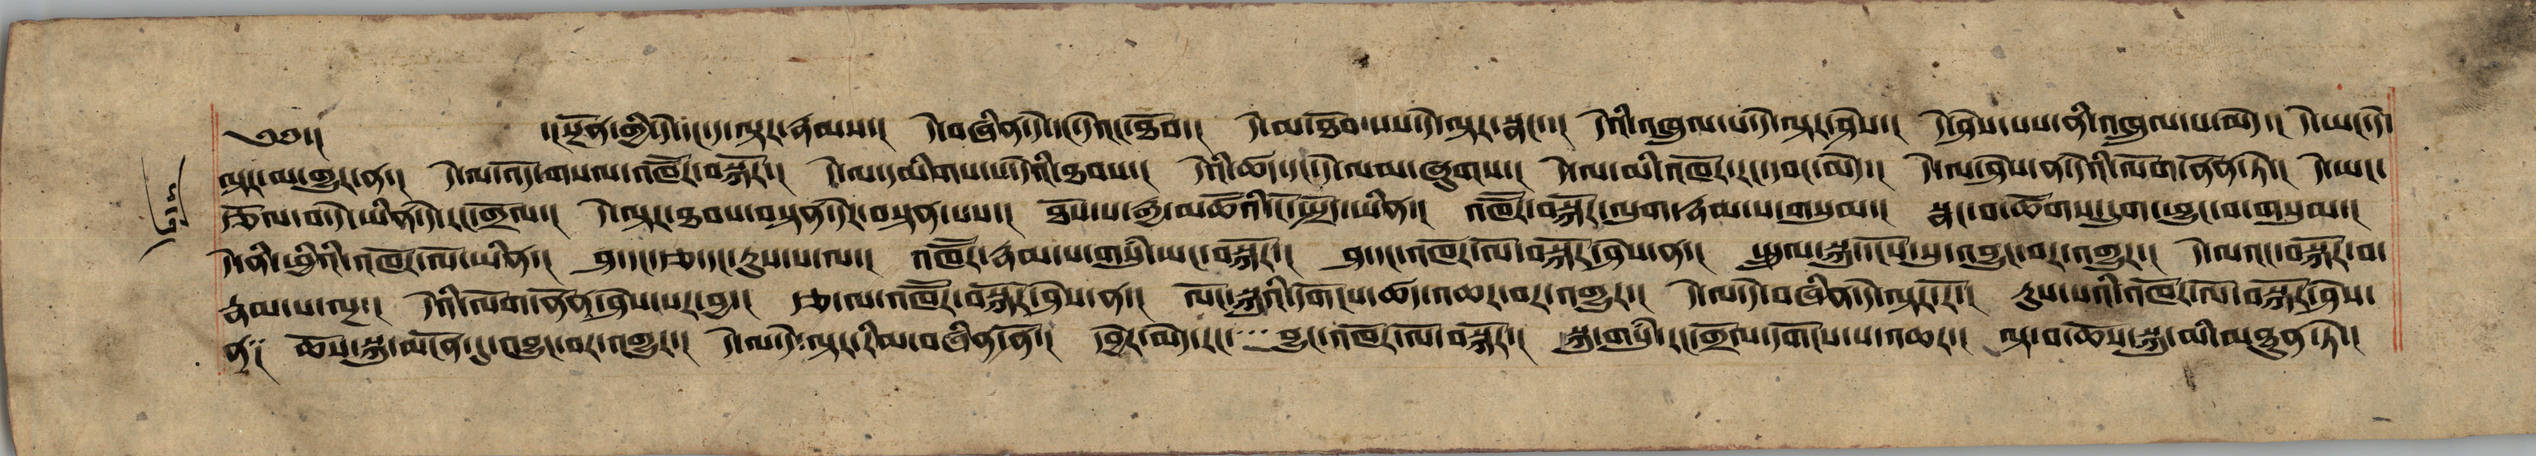༄༅་། ་།སྔོན་གྱི་དེ་དང་ད་ལྟར་རྣམས་། དེ་བཞིན་དེ་དང་དེའང་ཐོབ་། དེ་མ་ཐོབ་པས་དེ་ལྟར་སྣང་་། དེའི་འཁྲུལ་པ་དེ་ལྟར་ཤེས་། དེ་ཤེས་པས་ནི་འཁྲུལ་པ་མེད་། དེ་ཡང་དེ་
ལྟར་མ་གྱུར་ན་། དེ་ལ་འོད་གསལ་འཁཽར་བསྐོར་། དེ་ལ་དམིགས་པ་དེའི་ཐབས་། དེའི་ཚད་དང་དེ་ལམ་ཞུགས་། དེ་ལ་མི་འཁོར་རང་དབང་མེད་། དེ་ལ་ཤེས་ན་དེའི་ལོག་ནོན་ཏེ་། དེ་ཡང་
རྩོལ་བ་དེ་ཡིན་དེ་རང་གྲོལ་།་ དེ་ལྟར་ཐབས་བསྟན་དེར་བསྟན་པས་། ཐོས་པ་རྒྱ་མཚོའི་ངོ་སྤྲོད་ཡིན་། འཁཽར་བསྐོར་ལུག་རྣམ་པ་གསུམ་། སྣང་བ་ཚོགས་དྲུག་ཕྱུང་བ་གསུམ་།
དེ་ནི་ཕྱིའི་འཁོར་ལོ་ཡིན་། ཤ་དང་རྩ་དང་རུས་པ་ལ་། འཁཽར་རྣམ་པ་གསུཾ་ཡང་བསྐོར་། ཤ་དང་འཁོར་ལོ་བསྐོར་ཤེས་ན་། སྤྲུལ་སྐུ་དངོས་སུ་འབྱུང་བར་འགྱུར་། དེ་ལའང་བསྐོར་བ་
རྣམ་པ་ལྔ་། དེའི་ལོག་ནོན་ཤེས་པར་བྱ་། རྩ་ལ་འཁཽར་བསྐོར་ཤེས་ན་། ལོངས་སྐུའི་དགོངས་ཚད་འཆར་བར་འགྱུར་། དེ་ལ་དེ་བཞིན་དེ་ལྟར་རོ་། རུས་པའི་འཁོར་ལོ་བསྐོར་ཤེས་
ན༑ ཆོས་སྐུ་མངོན་དུ་འབྱུང་བར་འགྱུར་། དེ་ལ་དེ་ལྟར་རིམ་བཞིན་ནོ་། དབྱེར་མེད་རང་ བྱུང་འཁོར་ལོ་བསྐོར་། སྐུ་གསུཾ་རང་གྲོལ་དགོངས་པ་འཆར་། ལྟ་བ་ཆོས་སྐུ་མི་མཐུན་ཏེ་།